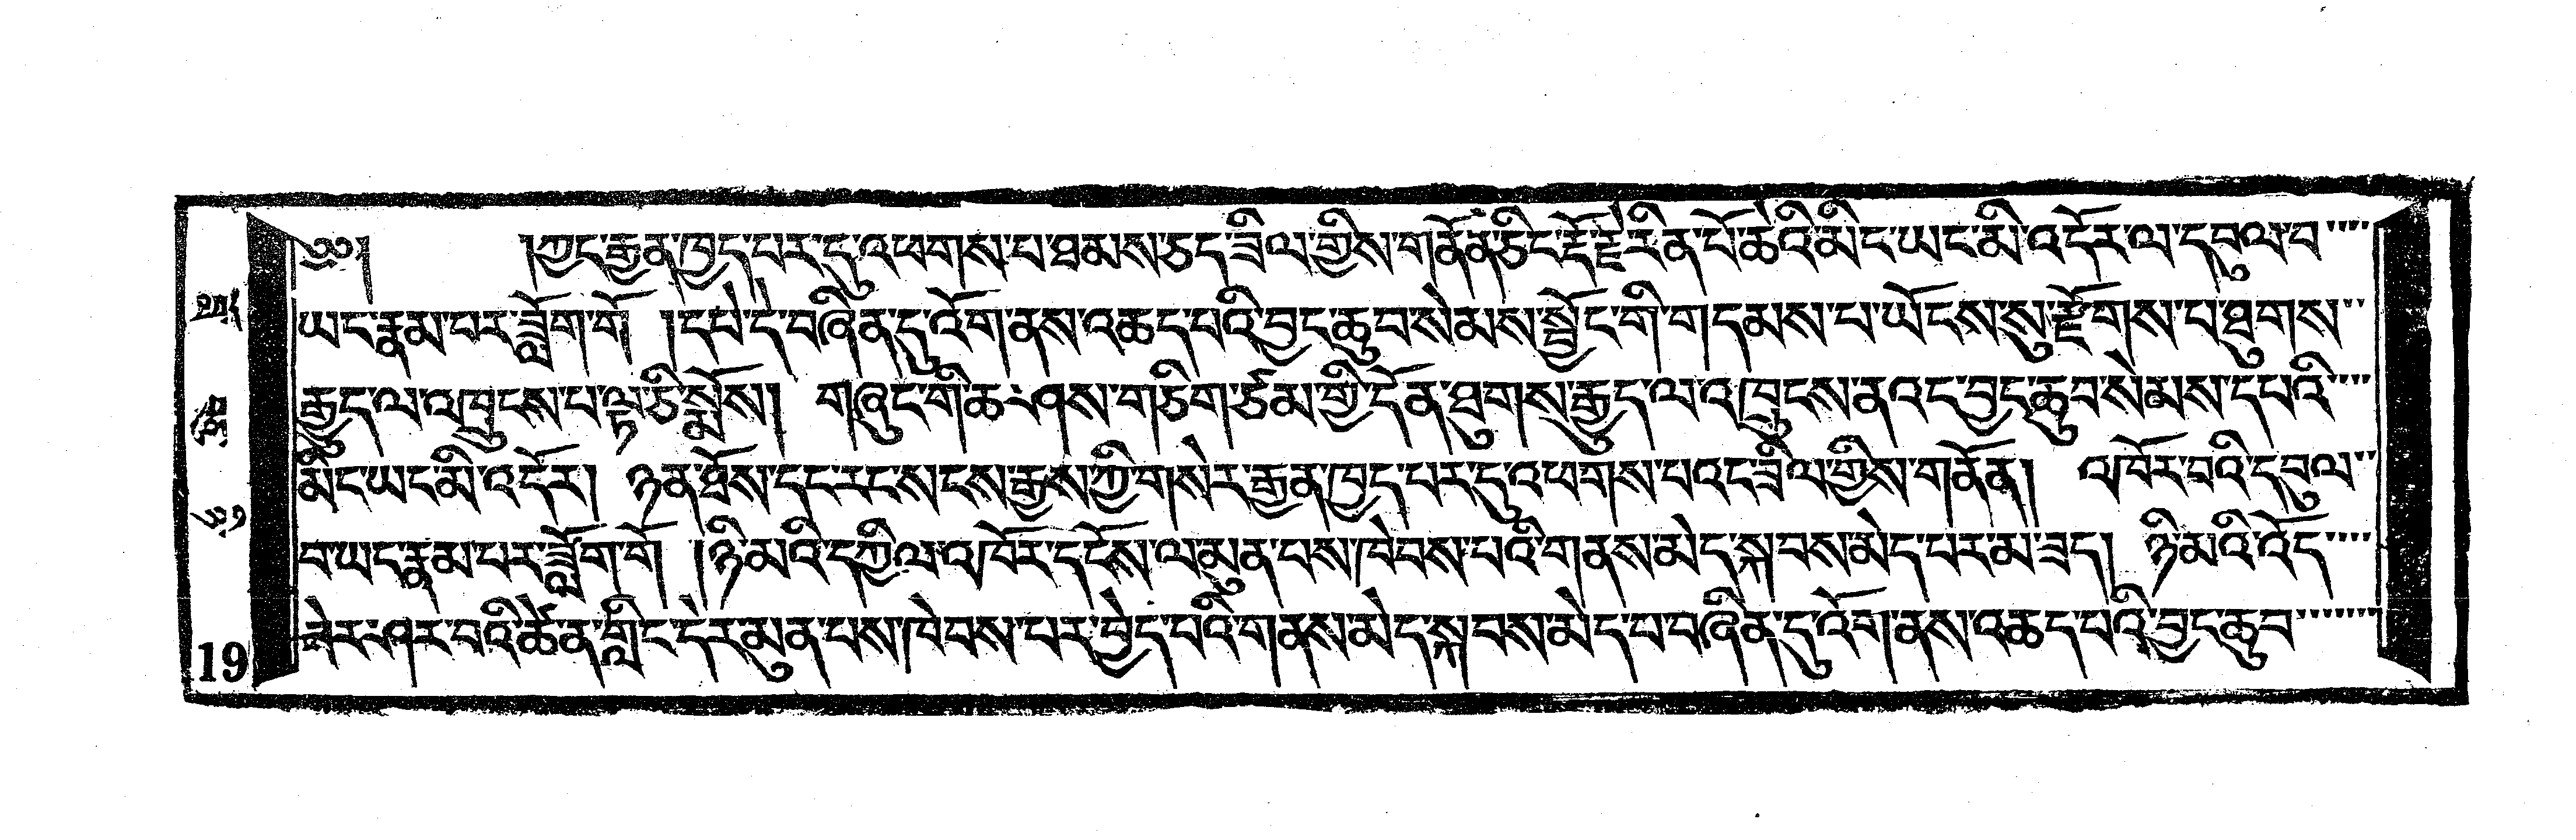༄༅། །ཀྱང་རྒྱན་ཁྱད་པར་དུ་འཕགས་པ་ཐམས་ཅད་ཟིལ་གྱིས་གནོན་ཅིང་རྡོ་རྗེ་རིན་པོ་ཆེའི་མིང་ཡང་མི་འདོར་ལ་དབུལ་བ་
ཡང་རྣམ་པར་ཟློག་གོ །དཔེ་དེ་བཞིན་དུ་འོག་ནས་འཆད་པའི་བྱང་ཆུབ་སེམས་སྦྱོང་གི་གདམས་པ་ཡོངས་སུ་རྫོགས་པ་ཐུགས་
རྒྱུད་ལ་འཁྲུངས་པ་ལྟ་ཅི་སྨོས། གཞུང་གི་ཆ་ཤས་གཅིག་ཙམ་གྱི་དོན་ཐུགས་རྒྱུད་ལ་འཁྲུངས་ནའང་བྱང་ཆུབ་སེམས་དཔའི་
མིང་ཡང་མི་འདོར། ཉན་ཐོས་དང་རང་སངས་རྒྱས་ཀྱི་གསེར་རྒྱན་ཁྱད་པར་དུ་འཕགས་པའང་ཟིལ་གྱིས་གནོན། འཁོར་བའི་དབུལ་
བ་ཡང་རྣམ་པར་ཟློག་གོ །ཉི་མའི་དཀྱིལ་འཁོར་དངོས་ལ་མུན་པས་ཁེབས་པའི་གནས་མེད་སྐབས་མེད་པར་མ་ཟད། ཉི་མའི་འོད་
ཟེར་ཤར་བའི་ཚེ་ན་གླིང་དེར་མུན་པས་ཁེབས་པར་བྱེད་པའི་གནས་མེད་སྐབས་མེད་པ་བཞིན་དུ་འོག་ནས་འཆད་པའི་བྱང་ཆུབ་